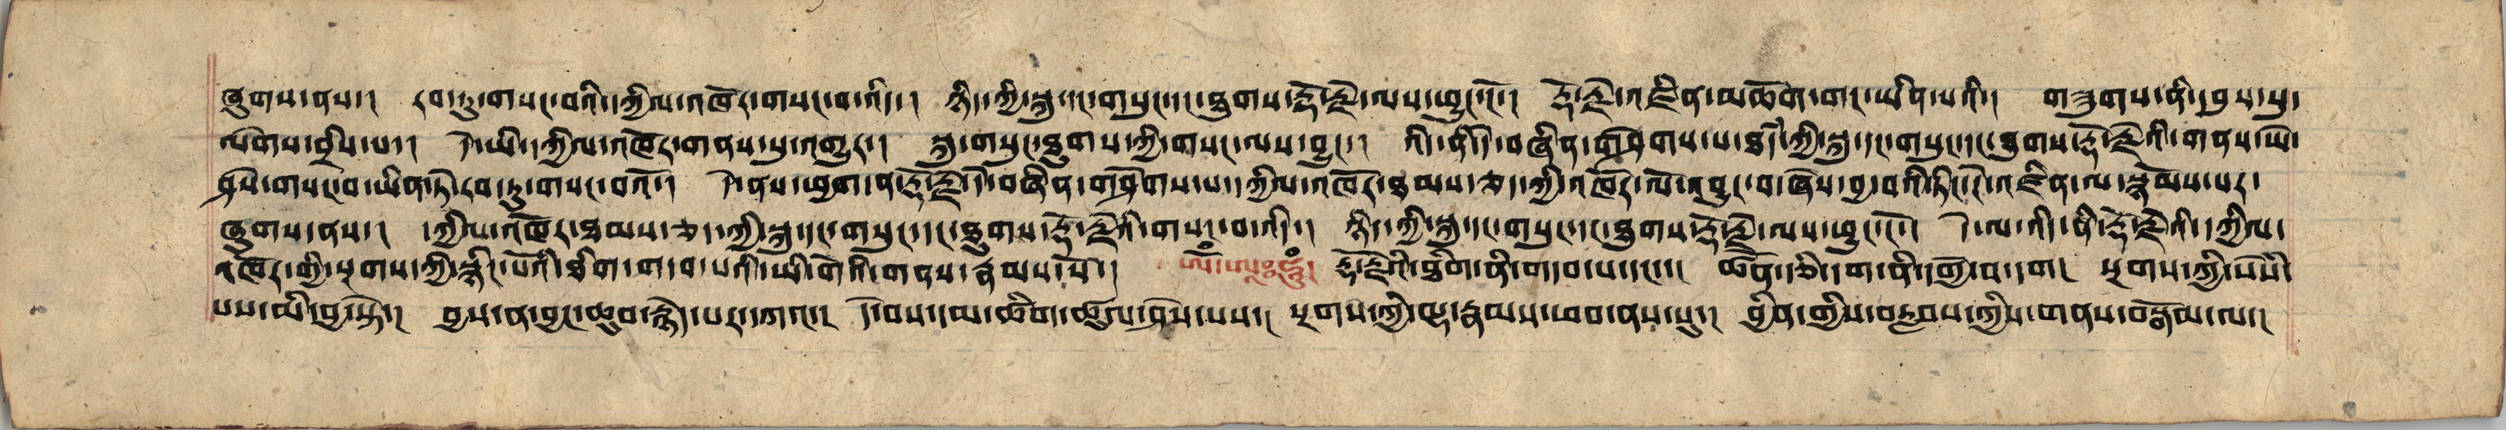ཞུགས་ནས་། རབ་ཏུ་གསང་བའི་དཀྱིལ་འཁོར་གསང་བ་འདི་། ཉིད་ཀྱི་སྐུ་དང་གསུང་དང་ཐུགས་རྡོ་རྗེ་ལས་ཕྱུང་ངོ་། རྡོ་རྗེ་འཛིན་མཆོག་གང་ཡིན་པའི་། གཟུགས་ནི་དབུས་སུ་
ལེགས་བྲིས་པ་། དེ་ཡི་དཀྱིལ་འཁོར་གནས་སུ་འགྱུར་། སྐུ་གསུང་ཐུགས་ཀྱི་གསང་ལས་བྱུང་། འདི་ནི་དེ་བཞིན་གཤེགས་པ་ཐཾད་ཀྱི་སྐུ་དང་གསུང་དང་ཐུགས་རྡོ་རྗེའི་གནས་ཡེ་
ཤེས་གསང་བ་ཡིན་ཏེ་རབ་ཏུ་གསང་བའོ་། དེ་ནས་ཕྱག་ན་རྡཽ་རྗེ་དེ་བཞིན་གཤེགས་པ་དཀྱིལ་འཁོར་ཐམས་ཅད་ཀྱི་འཁོར་ལོ་འབྱུང་བ་ཞེས་བྱ་བའི་ཏིང་ངེ་འཛིན་ལ་སྙོམས་པར་
ཞུགས་ནས་། དཀྱིལ་འཁོར་ཐམས་ཅད་ཀྱི་སྐུ་དང་གསུང་དང་ཐུགས་རྡོ་རྗེའི་གསང་བ་འདི་། ཉིད་ཀྱི་སྐུ་དང་གསུང་དང་ཐུགས་རྡོ་རྗེ་ལས་ཕྱུང་ངོ་། དེ་ལ་འདི་ནི་རྡོ་རྗེའི་དཀྱིལ་
འཁོར་གྱི་སྔགས་ཀྱི་སྙིང་པོའི་ཐིག་གདབ་པའི་ཡི་གེའི་གནས་རྣམས་སོ་། ཨོཾ་ཨཱཿཧཱུཾ། རྡོ་རྗེའི་ཐིག་ནི་གདབ་པ་དང་་། ཚོན་རྩི་དག་ནི་དགྱེ་བ་དག། སྔགས་ཀྱི་སེཾས་
པས་མི་བྱ་སྟེ་། བྱས་ན་བྱང་ཆུབ་རྙེད་པར་དཀའ་། དེ་བས་དམ་ཚིག་ཚུལ་ཤེས་པས་། སྔགས་ཀྱི་ལྷ་རྣམས་ཕབ་ནས་སུ་། བྱིན་གྱིས་བརླབས་ཀྱིས་གནས་བསྒོམ་ལ་།